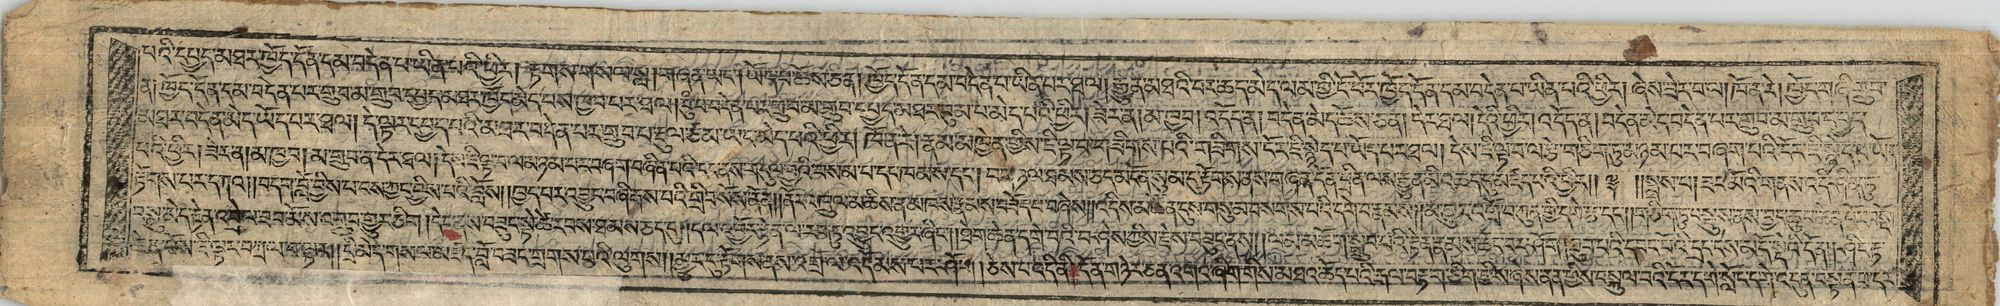པའི་དཔྱད་མཐར་ཁྱོད་དོན་དམ་བདེན་པ་ཡིན་པའི་ཕྱིར། རྟགས་གསལ་སླ། གཞན་ཡང་། ཡོད་པ་ཆོས་ཅན། ཁྱོད་དོན་དམ་བདེན་པ་ཡིན་པར་ཐལ། རྒྱུན་མཐའི་བར་ཆད་མེད་ལམ་གྱི་ངོ་བོར་ཁྱོད་དོན་དམ་བདེན་པ་ཡིན་པའི་ཕྱིར། ཞེས་ཟེར་བ་ལ། ཁོ་ན་རེ། ཁྱོད་གཞི་གྲུབ་
ན། ཁྱོད་དོན་དམ་བདེན་པར་གྲུབ་མ་གྲུབ་དཔྱད་མཐར་ཁྱོད་མེད་པས་ཁྱབ་པར་ཐལ། བུཾ་པ་བདེན་པར་གྲུབ་མ་གྲུབ་དཔྱད་མཐར་བུམ་པ་མེད་པའི་ཕྱིར། ཟེར་ན། མ་ཁྱབ། འདོད་ན། བདེན་མེད་ཆོས་ཅན། དེར་ཐལ། དེའི་ཕྱིར། འདོད་ན། བདེན་མེད་བདེན་པར་གྲུབ་མ་གྲུབ་དཔྱད་
མཐར་བདེན་མེད་ཡོད་པར་ཐལ། དེ་ལྟར་དཔྱད་པའི་མཐར་བདེན་པར་གྲུབ་པ་རྡུལ་ཙམ་ཡང་མེད་པའི་ཕྱིར། ཁོ་ན་རེ། རྣམ་མཁྱེན་གྱིས་ཇི་ལྟ་བ་གཟིགས་པའི་གཟིགས་ངོར་ཇི་སྙེད་པ་ཡོད་པར་ཐལ། དེ་སྲུཇི་ལྟ་བ་ལ་རྩེ་གཅིག་ཏུ་མཉམ་པར་བཞག་པའི་ངོར་ཇི་སྙེད་པ་ཡོད་
པའི་ཕྱིར། ཟེར་ན། མ་ཁྱབ། མ་གྲུབ་ན་དེར་ཐལ། དེས་ཇི་ལྟ་བ་ལ་མཉམ་པར་བཞག་བཞིན་པའི་ངང་ནས་གདུལ་བྱའི་བསམ་པ་དང་ཁམས་དང་། བག་ཉལ་ཐམས་ཅད་མངོན་སུམ་དུ་རྟོགས་ནས་གཞན་དོན་ཕྲིན་ལས་རྒྱུན་མི་འཆད་དུ་མཛད་པའི་ཕྱིར།། ༈ །།སྨྲས་པ། ཟབ་མོའི་གནས་འདི་ཤིན་ཏུ་
རྟོགས་པར་དཀའ། །བདག་བློ་བྱིས་པ་ངས་?་ཀྱང་བྱིས་པའི་བློས། །ཁྱད་པར་འབྱུང་བཞི་རྒས་པའི་གྲིབ་སོས་ནོན། །ནོར་འཁྲུལ་མཆིས་ན་མཁས་རྣམས་བཟོད་པ་བཞེས། །འདིས་མཚོན་དུས་གསུམ་བསགས་པའི་དགེ་བ་རྣམས། །མ་གྱུར་འགྲོ་བ་ཀུན་གྱི་དགེ་རྩ་དང་། །གཅིག་ཏུ་བསྡུས་ནས་བྱང་ཆུབ་ཆེན་པོར་བསྔོ།
བསླུ་མེད་རྟེན་འབྲེལ་ཟབ་མོས་འགྲུབ་གྱུར་ཅིག །དེང་ནས་བཟུང་སྟེ་ཚེ་རབས་ཐམས་ཅད་དུ། །དལ་འབྱོར་རྟེན་ལ་རབ་ཏུ་འབྱུང་འགྱུར་ཞིང་། །ཐེག་ཆེན་དགེ་བའི་བཤེས་ཀྱིས་རྗེས་བཟུང་ནས། །ལམ་མཆོག་སྒྲུབ་པའི་རྟེན་རྣམས་ཚང་བར་ཤོག །ཐུབ་པའི་དབང་པོའི་དྲང་ངེས་མདོ་སྡེའི་དོན། །ཤིང་རྟ་
ཆེན་པོས་ཇི་ལྟར་བཀྲལ་བ་ལྟར། །དྲི་མེད་གསལ་མཛད་བློ་བཟང་གྲགས་པའི་ལུགས། །མྱུར་དུ་རྟོགས་ནས་འགྲོ་ལ་འདོམས་པར་ཤོག །ཅེས་པ་འདི་ནི་དོན་གཉེར་ཅན་འགའ་ཞིག་གིས་མཐའ་ཆོད་པའི་རྒལ་བརྟག་ཅིག་གྱིས་ཞེས་ནན་གྱིས་བསྐུལ་བའི་ངོར་དགེ་སློང་དགེ་འདུན་བསྟན་པ་དར་